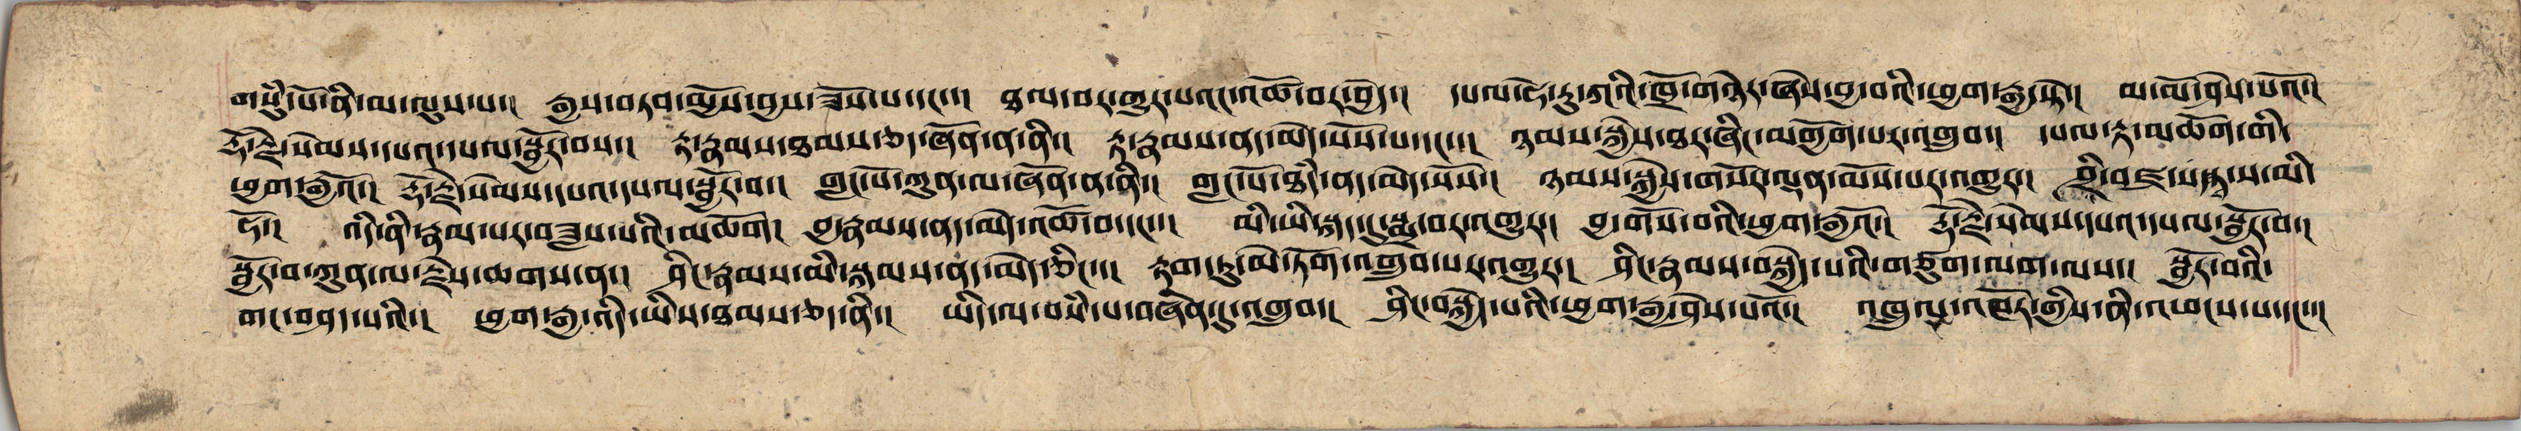གསུཾ་པོ་ནི་མ་ལུས་པ་། རྒྱས་བཏབ་མྱོས་བྱས་ཟོས་པ་དང་་། ཐལ་བར་གྱུར་པའང་འཚོ་བར་བྱེད་། དཔལ་ཧེ་རུ་ཀའི་ཁྲོ་གཉེར་ཞེས་བྱ་བའི་ཕྱག་རྒྱ་སྟེ་། མ་མོ་ཤེས་པའོ་།
རྡོ་རྗེ་སེམས་དཔའ་དཔལ་སྦྱོར་བས་། རྟ་རྣམས་ཐམས་ཅད་ཞོན་ན་ནི་། རྟ་རྣམས་ནད་མེད་སོས་པ་དང་་། ཉམས་སྐྱེས་ཐར་ཞིང་མགྱོག་པར་འགྲུབ་། དཔལ་རྟ་མཆོག་གི་
ཕྱག་རྒྱའོ་། རྡོ་རྗེ་སེམས་དཔའ་དཔལ་སྦྱོར་བ་། གླང་པོ་ཀུན་ལ་ཞོན་ན་ནི་། གླང་པོ་ཐཾད་ནད་མེད་སོས་། ཉམས་སྐྱེས་གསོར་ལྡན་མོས་པར་འགྱུར་། ཤྲཱཱི་བཛྲ་ས་ཏྭ་ས་མི་
ཧོ་། འདི་ནི་རྣམ་པར་བཟླས་པའི་མཆོག། བྱ་རྣམས་ནད་མེད་འཚོ་བ་དང་་། མི་ཡི་སྐད་དུ་སྨྲ་བར་འགྱུར་། བྱ་གསོ་བའི་ཕྱག་རྒྱའོ་། རྡོ་རྗེ་སེམས་དཔའ་དཔལ་སྦྱོར་བ་།
སྦྱོར་བ་ཀུན་ལ་རྗེས་ཆགས་ན་། ཤིང་རྣམས་མི་སྐམས་ནད་མེད་ཅིང་་། རྟག་ཏུ་མེ་ཏོག་འགྲུབ་པར་འགྱུར་། ཤིང་རྣམས་བསྐྱེད་པའི་གཙུག་ལག་ལས་། སྦྱོར་བའི་
གང་བཤད་པའི་། ཕྱག་རྒྱ་འདི་ཡིས་ཐམས་ཅད་ནི་། ཡིད་ལ་བསཾ་པ་བཞིན་དུ་འགྲུབ་། ཤིང་བསྐྱེད་པའི་ཕྱག་རྒྱ་ཤེས་པའོ་། འཁྲུལ་འཁོར་གྱིས་ནི་འཕངས་པ་དང་་།